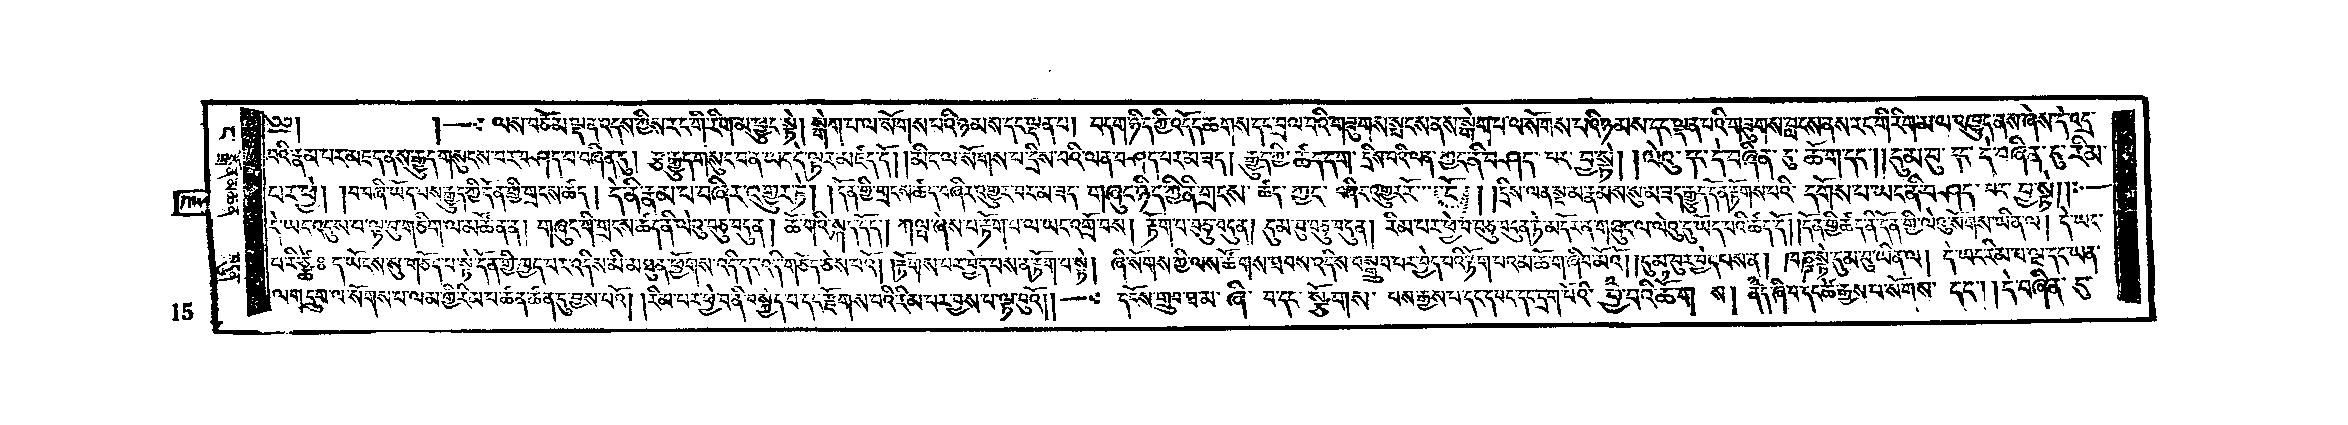༄༅། །ལས་བཅོམ་ལྡན་འདས་ཀྱིས་རང་གི་རིག་མ་ཕྱུང་སྟེ། སྒེག་པ་ལ་སོགས་པའི་ཉམས་དང་ལྡན་པ། བདག་ཉིད་ཀྱི་འདོད་ཆགས་དང་བྲལ་བའི་གཟུགས་སྤངས་ནས་སྒེག་པ་ལ་སོགས་པའི་ཉམས་དང་ལྡན་པའི་གཟུགས་བླངས་ནས་རང་གི་རིག་མ་ལ་འཁྱུད་ནས་ཞེས་དེ་འདྲ་
བའི་རྣམ་པར་མཛད་ནས་རྒྱུད་གསུངས་པར་བཤད་པ་བཞིན་དུ། རྩ་རྒྱུད་གསུང་བ་ན་ཡང་དེ་ལྟར་མཛད་དོ། །མིང་ལ་སོགས་པ་དྲིས་པའི་ལན་བཤད་པར་མ་ཟད། རྒྱུད་ཀྱི་ཚད་དག་དྲིས་པའི་ལན་ཀྱང་ནི་བཤད་པར་བྱ་སྟེ། །ལེའུ་དང་དེ་བཞིན་དུ་ཆོ་ག་དང་། །དུམ་བུ་དང་དེ་བཞིན་དུ་རིམ་
པར་ཕྱེ། །བ་བཞི་ཡོད་པས་རྒྱུད་ཀྱི་དོན་གྱི་གྲངས་ཚད། དེ་ནི་རྣམ་པ་བཞིར་འགྱུར་ཏེ། །དོན་གྱི་གྲངས་ཚད་བཞིར་འགྱུར་བར་མ་ཟད་གཞུང་ཉིད་ཀྱི་ནི་གྲངས་ཚད་ཀྱང་བཞིར་འགྱུར་རོ་ངོ། །དྲིས་ལན་སྔ་མ་རྣམས་སུ་མ་ཟད་རྒྱུད་དོན་རྟོགས་པའི་དགོས་པ་ཡང་ནི་བཤད་པར་བྱ་སྟེ། །
དེ་ཡང་འདུས་པ་ལྟ་བུ་གཅིག་ལ་མཚོན་ན། གཞུང་གི་གྲངས་ཚད་ནི་ལེའུ་བཅུ་བདུན། ཆོ་གའི་སྐད་དོད། ཀལྤ་?་ཞེས་པ་རྟོག་པ་ལ་ཡང་འགྲོ་བས། རྟོག་པ་བཅུ་བདུན། དུམ་བུ་བཅུ་བདུན། རིམ་པར་ཕྱེ་བ་བཅུ་བདུན་ཏེ་མདོར་ན་གཞུང་ལ་ལེའུ་དུ་ཡོད་པའི་ཚད་དོ། །དོན་གྱི་ཚད་ནི་དོན་གྱི་ལེའུ་སོགས་ཡིན་ལ། དེ་ཡང་
པ་རི་ཙྪེཿ དེ་ཡོངས་སུ་གཅོད་པ་སྟེ་དོན་གྱི་ཁྱད་པར་འདིས་མི་མཐུན་ཕྱོགས་འདི་དང་འདི་གཅོད་ཅེས་པའོ། །རྟོགས་པར་བྱེད་པས་ན་རྟོག་པ་སྟེ། ཞི་སོགས་ཀྱི་ལས་ཚོགས་ཐབས་འདིས་བསྒྲུབ་པར་བྱེད་པའི་རྟོག་པའམ་ཆོ་ག་ཞིབ་མོའོ། །དུམ་བུར་བྱེད་པས་ན། ཁཎྜ་སྟེ་དུམ་བུ་ཡིན་ལ། དེ་ཡང་རིམ་པ་ལྔ་དང་ཡན་
ལག་དྲུག་ལ་སོགས་པ་ལམ་གྱི་རིམ་པ་ཚན་ཚན་དུ་བྱས་པའོ། །རིམ་པར་ཕྱེ་བ་ནི་བསྐྱེད་པ་དང་རྫོགས་པའི་རིམ་པར་བྱས་པ་ལྟ་བུའོ།། དངོས་གྲུབ་ཟ་?་མ་ཞི་བ་དང་སྩོགས་པས་རྒྱས་པ་དང་དབང་དང་དྲག་པོའི་བྱེ་བའི་ཆོ་གས། ནད་ཞི་བ་དང་ཚེ་རྒྱས་པ་སོགས་དང་། །དེ་བཞིན་དུ་